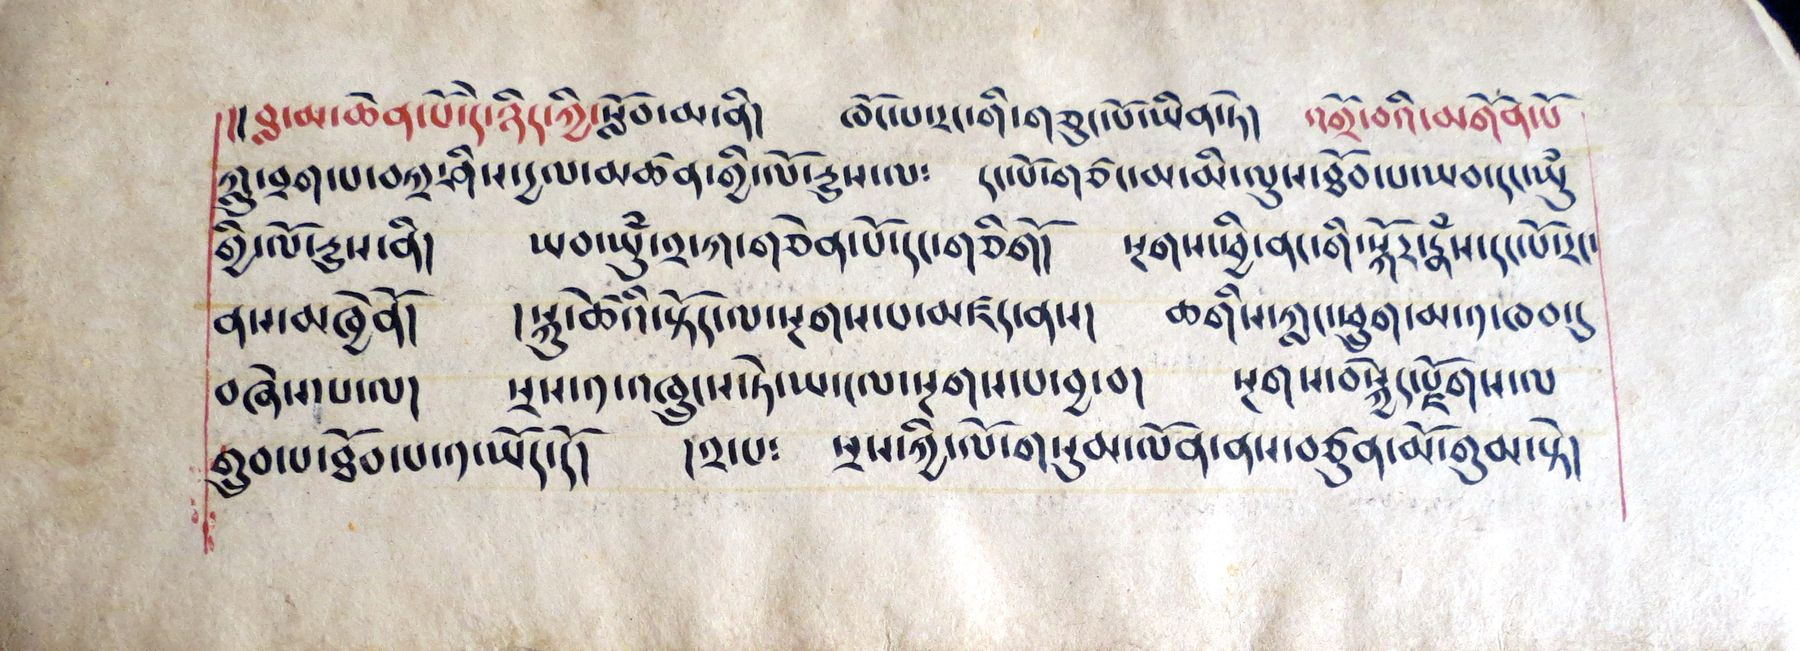བླ་མ་ཆེན་པོ་དེ་ཉིད་ཀྱི་སློབ་མ་ནི། ཁོང་པ་རང་གི་གཅུང་པོ་ཡིན་ཏེ། འགྲོ་བའི་མགོན་པོ་
ཀླུ་བྲག་བཀྲ་ཤིས་རྒྱལ་མཚན་གྱི་ལོ་རྒྱུས་ལ་ལྔ། དང་པོ་གཙང་མ་མི་ལུས་ཐོབ་པ་ཡབ་དང་ཡུམ་
གྱི་ལོ་རྒྱུས་ནི། ཡབ་ཡུམ་གཉིས་ཀ་གཅེན་པོ་དང་གཅིག་གོ སྔགས་ཕྱི་ནང་གི་སྐོར་རྣམས་དང་པོ་རང་
ནས་མཁྱེན་ནོ། སྐུ་ཚེའི་སྟོད་ལ་སྔགས་པ་མཛད་ནས་ཆག་གི་ཀླང་ཕྲུག་མ་ཞིག་ཁབ་ཏུ་
བཞེས་པ་ལ། སྲས་གཅིག་འཁྲུངས་ཏེ། ཡ་ངལ་སྔགས་པ་བྱ་བ། གསང་སྔགས་བསྐྱེད་རྫོགས་ལ་
གྲུབ་པ་ཐོབ་པ་ཞིག་ཡོད་དོ། །གཉིས་པ་སྲས་ཀྱི་ལོ་གསུམ་ལོན་ནས་བཙུན་མོ་གུམ་སྟེ།